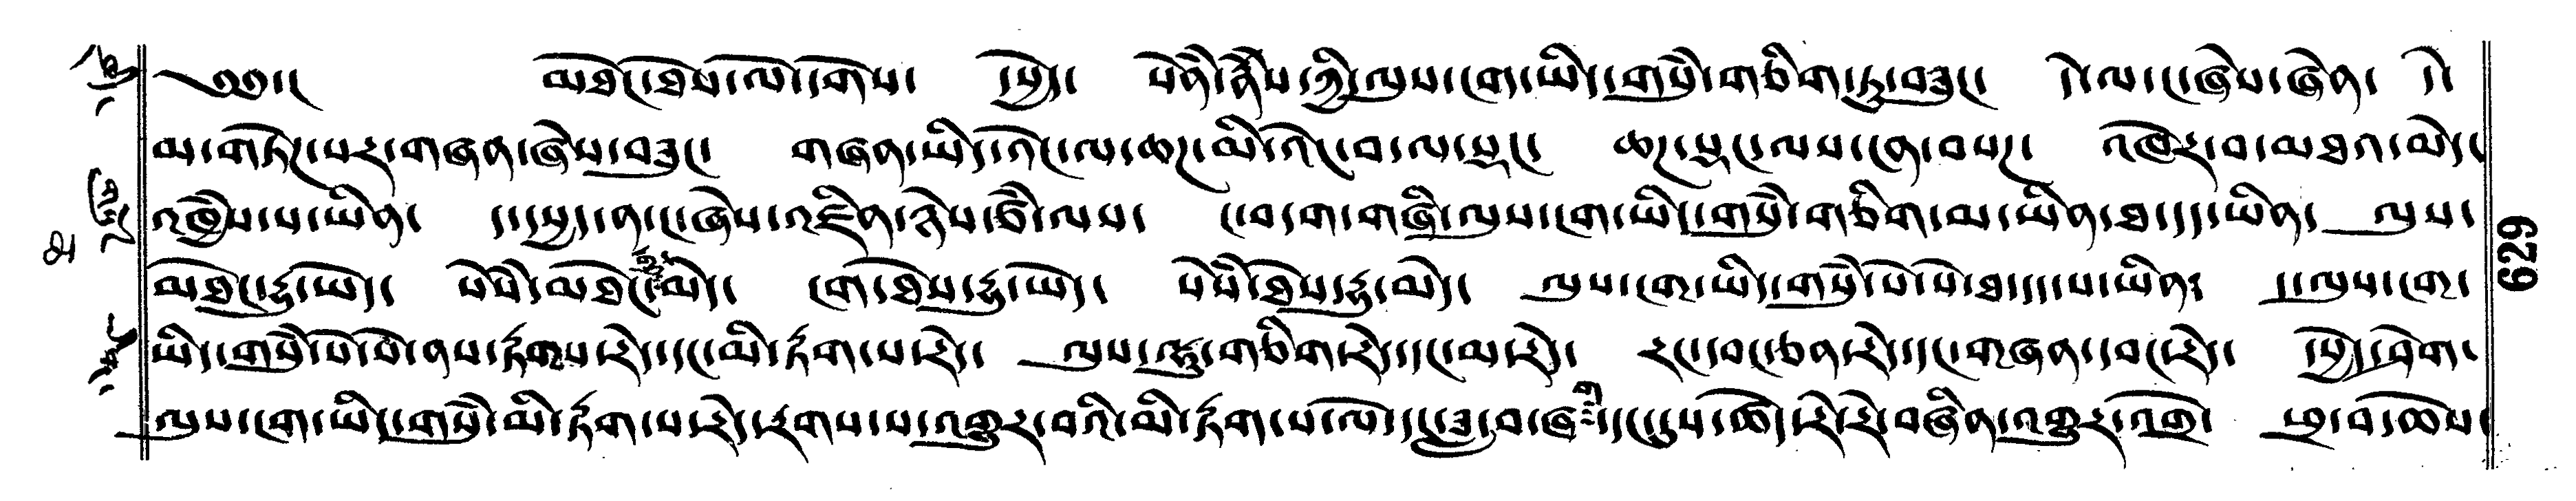མཐོང་ཐོས་ལོ་དགོས་ ( མིན་ ? )དཔྱོད།སེམས་ཅན་རྣམས་ཀྱི་ལུས་ངག་ཡིད་གསུམ་གཅིག་ཏུ་བཟུང་། དེ་ལ་ང་ཞེས་ཞེན། དེ་
མ་གཏོགས་པར་གཞན་ཅེས་བཟུང་། གཞན་ཡིད་འོང་ལ་ཆགས། མི་འོང་བ་ལ་སྡང་། ཆགས་སྡང་ལས་ངན་བསགས། འཁོར་བ་མཐའ་མེད་
འཁྱམས་པ་ཡིན། ད་དཔྱད་ན་ང་ཞེས་འཛིན་ཉེས་ཙམ་ལས། ང་བདག་ ( གི་ )གཞི་ལུས་ངག་ཡིད་གསུམ་གཅིག་མ་ཡིན་ཐ་དད་ཡིན། ལུས་
མཐོང་རྒྱུ་ཡོད། སེམས་མཐོང་རྒྱུ་མེད། ངག་ཐོས་རྒྱུ་ཡོད། སེམས་ཐོས་རྒྱུ་མེད། ལུས་ངག་ཡིད་གསུམ་སོ་སོ་ཐ་དད་པ་ཡིན། ད་ལུས་ངག་
ཡིད་གསུམ་སོ་སོ་ནས་རྟག་པ་རེད་དང་མི་རྟག་པ་རེད། ལུས་ལྷུ་གཅིག་རེད་དང་མ་རེད། རང་དབང་ཅན་རེད་དང་གཞན་དབང་རེད་ དཔྱོད་ཤོག 
ལུས་ངག་ཡིད་གསུམ་མི་རྟག་པ་རེད་རྟག་པ། འགྱུར་བའི་མི་རྟག་པ་ལོ་དང་ཟླ་བ་ཞག་དང་དུས་ཚོད་རེ་རེ་བཞིན་འགྱུར་འགྲོ། ཕྲ་བ་ཆོས་